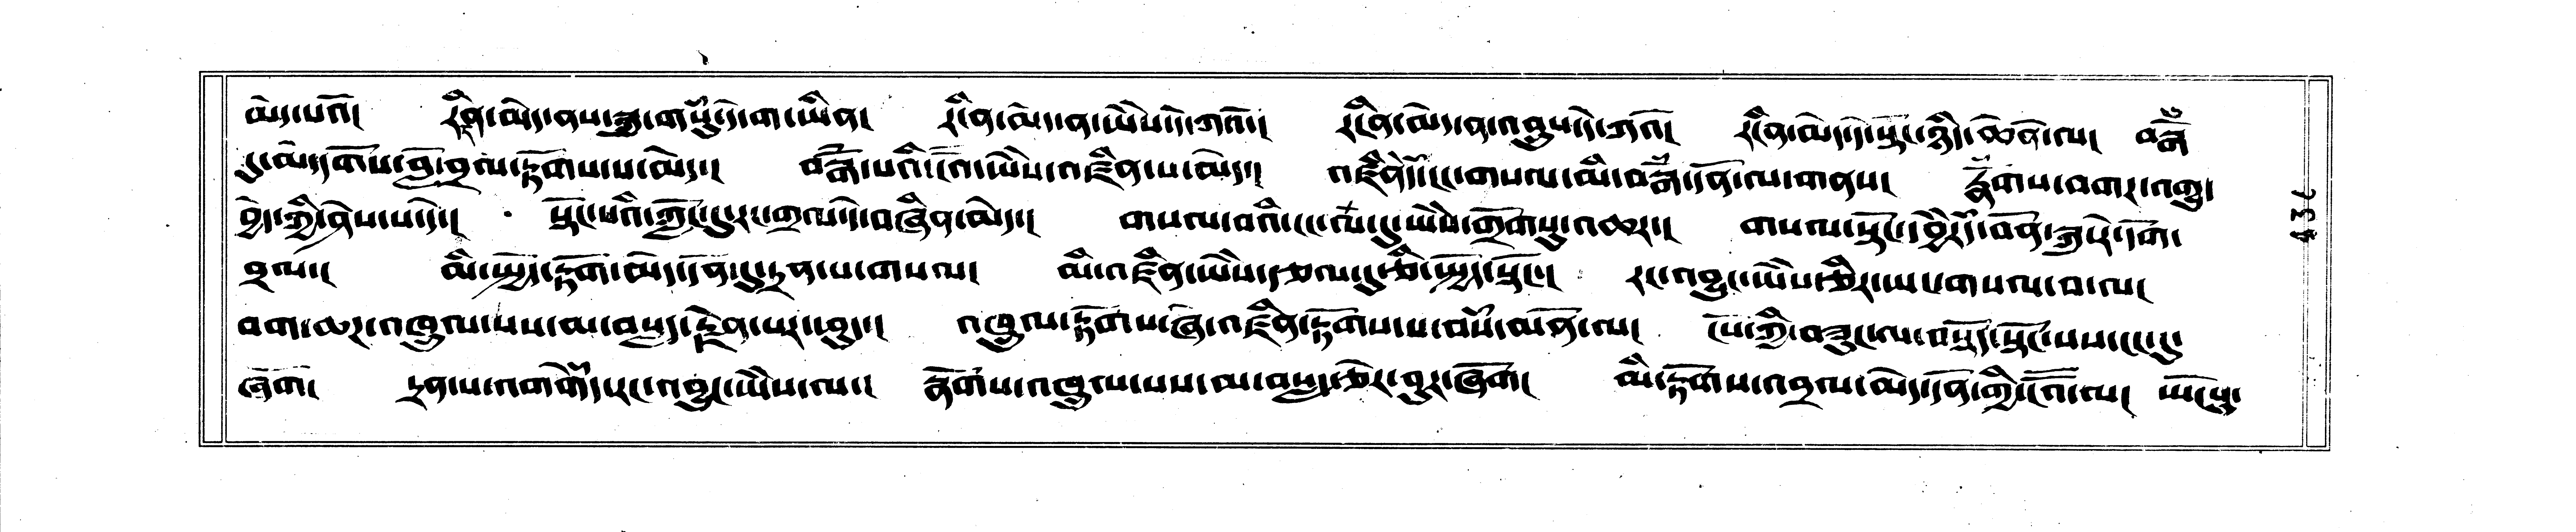མེད་པའོ། རང་བཞིན་མེད་ན་སྐུ་གསུམ་དེ་ཀའོ། རང་བཞིན་མེད་ན་ཡེ་ཤེས་དེ་ཀའོ། རང་བཞིན་མེད་ན་འབྲས་བུ་དེ་ཀའོ། རང་བཞིན་མེད་དེ་སྟོང་ཉིད་ཆེན་པོ་ལ། སྒོམ་
དུ་མི་དགོས་བློ་བྲལ་རྟོག་པ་མེད། གོམ་པའི་ངོའོ་ཡེ་ཤེས་འཛིན་པ་མེད། འཛིན་མེད་ཡེ་ཤེས་ངང་གསལ་མ་སྒོམ་དོན་ལ་གནས། རྣམ་རྟོག་བག་ཆགས་འགྱུ་
བྱེད་གྱིས་ཤེས་པ་དེ། སྟོང་པའི་ཀློང་དུ་རང་གྲོལ་དེ་བཞིན་ཉིད། གསལ་བའི་ངང་དུ་ཡེ་ཤེས་གྲོགས་སུ་འཆར། གསལ་སྟོང་དབྱེར་མེད་བོན་སྐུ་རེ་དོག་
བྲལ། མི་སྤྱོད་རྟོག་མེད་དོན་དུ་དྲན་པ་གསལ། མི་འཛིན་ཡེ་ཤེས་རྩལ་དུ་ཅི་སྤྱོད་སྟོང་། རང་འབྱུང་ཡེ་ཤེས་ཅིར་ཡང་གསལ་བ་ལ། 
བག་ཆགས་འཁྲུལ་པས་མ་བསླད་རྗེན་པར་ཕུད། འཁྲུལ་རྟོག་ཞེ་འཛིན་རྟོག་པའི་བསམ་མནོའ་ལ། ངོས་ཀྱིས་ཟུང་ལ་སྟོང་པའི་ངང་དུ་
ཞོག དྲན་པ་གྷག་(འགག)མེད་རང་འབྱུང་ཡེ་ཤེས་ལ། སྣ་ཚོགས་འཁྲུལ་པས་མ་བསླད་གཅེར་བུར་ཞོག མི་རྟོག་འབྲལ་མེད་དོན་གྱིས་ངོའོ་ལ། ཡེངས་སུ་